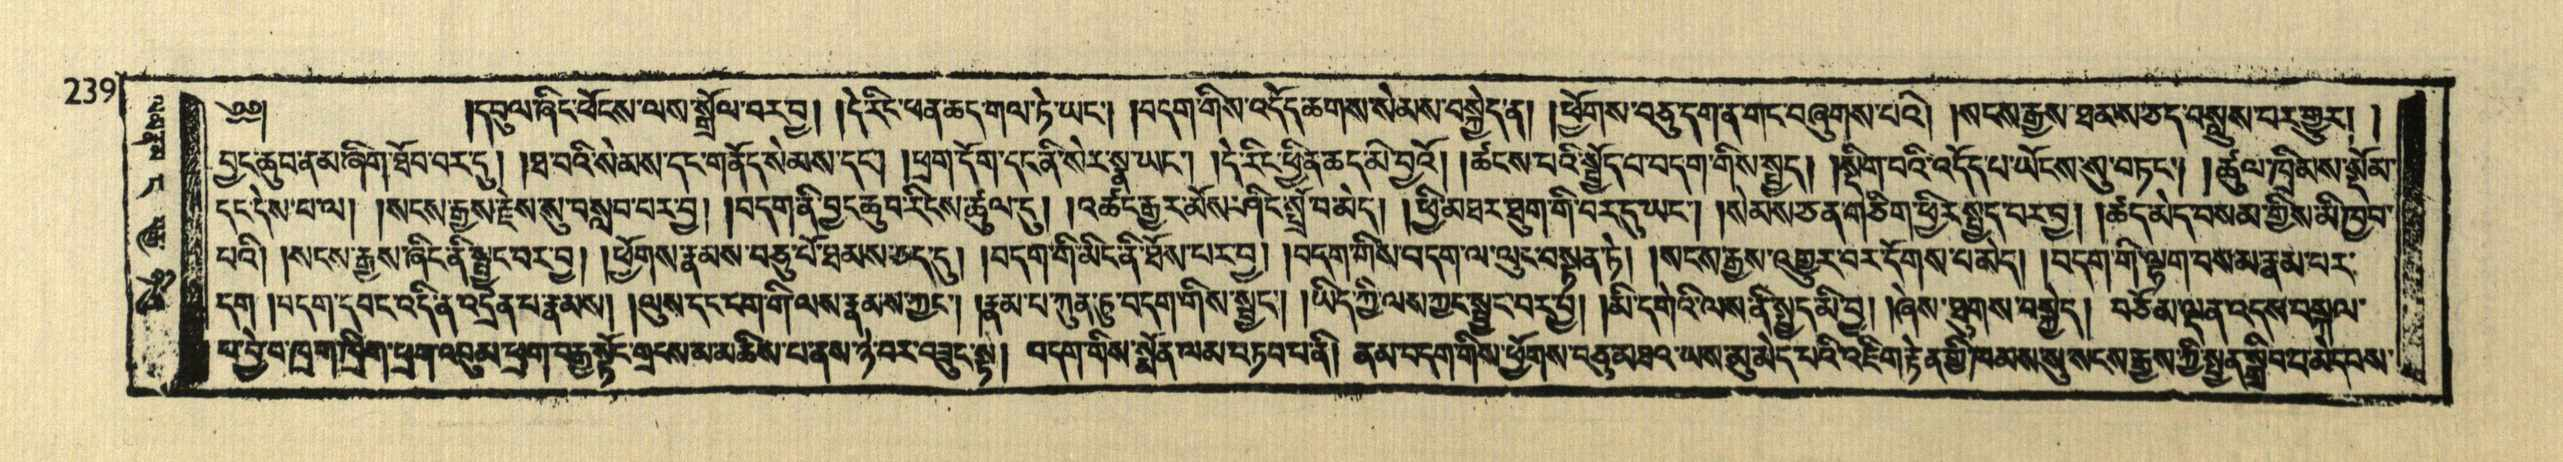༄༅། །དབུལ་ཞིང་ཕོངས་ལས་སྒྲོལ་བར་བྱ། །དེ་རིང་ཕན་ཆད་གལ་ཏེ་ཡང་། །བདག་གིས་འདོད་ཆགས་སེམས་བསྐྱེད་ན། །ཕྱོགས་བཅུ་དག་ན་གང་བཞུགས་པའི། །སངས་རྒྱས་ཐམས་ཅད་བསླུས་བར་གྱུར། །
བྱང་ཆུབ་ནམ་ཞིག་ཐོབ་བར་དུ། །ཐ་བའི་སེམས་དང་གནོད་སེམས་དང་། །ཕྲག་དོག་དང་ནི་སེར་སྣ་ཡང་། །དེ་རིང་ཕྱིན་ཆད་མི་བྱའོ། །ཚངས་པའི་སྤྱོད་བ་བདག་གིས་སྤྱད། །སྡིག་བའི་འདོད་པ་ཡོངས་སུ་བཏང་། །ཚུལ་ཁྲིམས་སྡོམ་
དང་དེས་པ་ལ། །སངས་རྒྱས་རྗེས་སུ་བསླབ་པར་བྱ། །བདག་ནི་བྱང་ཆུབ་རིངས་ཚུལ་དུ། །འཚང་རྒྱར་མོས་ཤིང་སྤྲོ་བ་མེད། །ཕྱི་མཐར་ཐུག་གི་བར་དུ་ཡང་། །སེམས་ཅན་གཅིག་ཕྱིར་སྤྱད་བར་བྱ། །ཚད་མེད་བསམ་གྱིས་མི་ཁྱབ་
པའི། །སངས་རྒྱས་ཞིང་ནི་སྦྱང་བར་བྱ། །ཕྱོགས་རྣམས་བཅུ་པོ་ཐམས་ཅད་དུ། །བདག་གི་མིང་ནི་ཐོས་པར་བྱ། །བདག་གིས་བདག་ལ་ལུང་བསྟན་ཏེ། །སངས་རྒྱས་འགྱུར་བར་དོགས་པ་མེད། །བདག་གི་ལྷག་བསམ་རྣམ་པར་
དག །བདག་དབང་འདི་ན་འདྲེན་པ་རྣམས། །ལུས་དང་ངག་གི་ལས་རྣམས་ཀྱང་། །རྣམ་པ་ཀུན་ཏུ་བདག་གིས་སྦྱང་། །ཡིད་ཀྱི་ལས་ཀྱང་སྦྱང་བར་བྱ། །མི་དགེའི་ལས་ནི་སྤྱད་མི་བྱ། །ཞེས་ཐུགས་བསྐྱེད། བཅོམ་ལྡན་འདས་བསྐལ་
པ་བྱེ་བ་ཁྲག་ཁྲིག་ཕྲག་འབུམ་ཕྲག་བརྒྱ་སྟོང་གྲངས་མ་མཆིས་པ་ནས་ཉེ་བར་བཟུང་སྟེ། བདག་གིས་སྨོན་ལམ་བཏབ་པ་ནི། ནམ་བདག་གིས་ཕྱོགས་བཅུ་མཐའ་ཡས་མུ་མེད་པའི་འཇིག་རྟེན་གྱི་ཁམས་སུ་སངས་རྒྱས་ཀྱི་སྤྱན་སྒྲིབ་པ་མེད་བས་